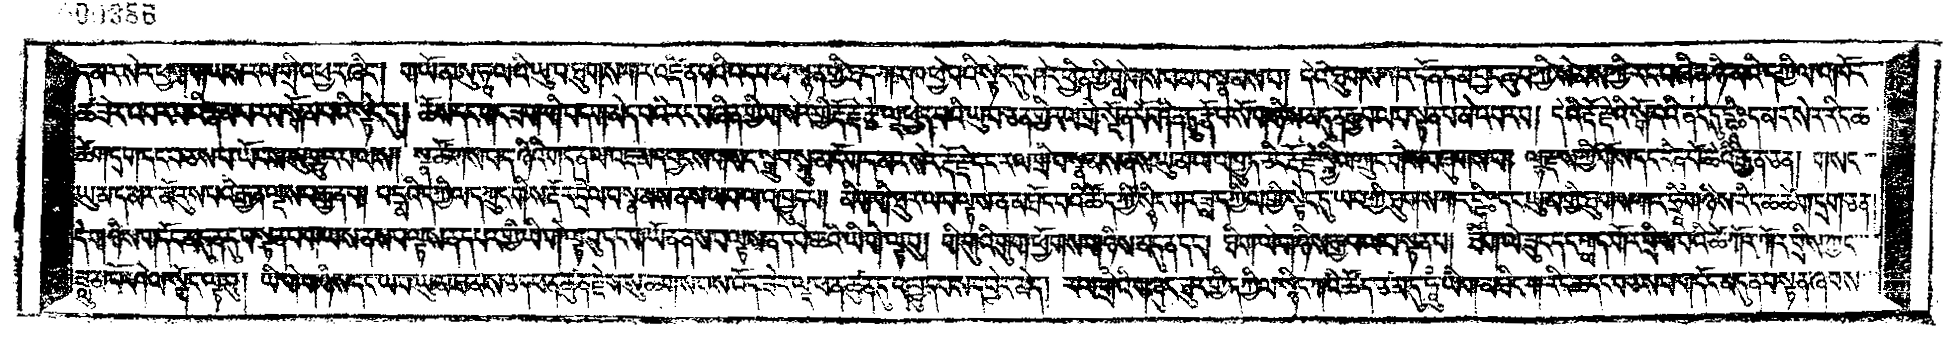དམར་སེར་ཕྱག་གཡས་རལ་གྲི་འཕྱར་ཞིང་། གཡོན་ཨུཏྤ་ལའི་ཡུ་བ་ཐུགས་ཀར་འཛིན་པའི་འདབ་མ་སྙན་གྱི་ཐ་དཀར་ཁ་ཕྱེ་བའི་སྟེང་དུ་ཤེར་ཕྱིན་གྱི་གླེགས་བམ་བསྣམས་པ། དེའི་ཐུགས་ཀར་དོན་དམ་བྱང་ཆུབ་ཀྱི་སེམས་ཀྱི་རང་བཞིན་ཉི་མའི་དཀྱིལ་འཁོར་
ཚ་ཟེར་འབར་བའི་རྣམ་པར་བསྒོམ་པའི་སྟེང་དུ། ཆོས་དང་གང་ཟག་གི་བདག་མེད་པའི་རང་བཞིན་གྱི་གསེར་གྱི་རྡོ་རྗེ་རྩེ་ལྔ་ཕྱེད་པའི་ཡུ་བ་ཅན་གྱི་རལ་གྲི་སྔོན་པོ་ཤིན་དུ་རྣོ་བ་སོ་གཉིས་མདུན་རྒྱབ་ལ་བསྟན་པ་མེ་འབར་བ། དེའི་རྡོ་རྗེའི་སྒོ་ངའི་ནང་དུ་དྷཱིཿ དམར་སེར་རིང་ཆ་
ཚེག་དྲག་དང་བཅས་པ་ཡོངས་སུ་གྱུར་པ་ལས། སྣ་ཚོགས་པད་ཉིའི་གདན་ལ་འཇམ་དབྱངས་གསང་སྒྲུབ་སྐུ་མདོག་དམར་སེར་རྡོ་རྗེ་དང་རལ་གྲི་བསྣམས་ནས་ཡུམ་ལ་འཁྱུད་ཅིང་རྡོ་རྗེ་སྐྱིལ་ཀྲུང་གིས་བཞུགས་པ། ལྷ་རྫས་ཀྱི་གོས་དང་རིན་པོ་ཆེའི་རྒྱན་ཅན། གསང་
ཡུམ་དམར་མོ་རུས་པའི་རྒྱན་ལྔས་བརྒྱན་པ། པདམའི་དཀྱིལ་དཀྲུང་གིས་རྡོར་དྲིལ་བསྣམས་ནས་ཡབ་ལ་འཁྱུད་པ། མིག་གི་ཐུར་ལ་བལྟས་ན་མཐོང་བའི་ཚོད་ཀྱི་སྙིང་གར་ཟླ་དཀྱིལ་གྱི་སྟེང་དུ་ཡབ་ཀྱི་ཐུགས་ཀར་དྷཱིཿ དང་ཡུམ་གྱི་ཐུགས་ཀར་ཧྲཱིཾ་གཉིས་རིང་ཆ་ཚེག་དྲག་ཅན།
དེ་གཉིས་གདོང་མདུན་དུ་བསྟན་པ་གཡས་ནས་བལྟས་ནད་པར་གྱི་ཡི་གེ་ལྟ་བུ་དང་གཡོན་ནས་བལྟས་ན་དཔེ་ཆའི་ཡི་གེ་ལྟ་བུ། གི་གུའི་གུག་ཕྱོགས་གཉིས་མདུན་དང་། ཐིག་ལེ་གཉིས་རྒྱབ་ལ་བསྟན་པ། ཐིག་ལེ་ཟུང་དང་ཀླད་གོར་བྲིས་བའི་ཚེ་ཀོར་ཀོར་བྲིས་ཀྱང་
ཟླུམ་པོ་ཤེལ་སྟོང་ལྟ་བུ། ཡི་གེ་གཉིས་དང་ཡབ་ཡུམ་ཐམས་ཅད་ཕན་ཚུན་རྗེས་སུ་ཆགས་པས་འོད་ཟེར་ལྔ་ཕན་ཚུན་དུ་འཁྱུད་པས་དབྱེར་མེད། རལ་གྲིའི་གཞུང་ཐུར་གྱི་དཀྱིལ་སྙིང་ཀའི་ཚོད་ཙམ་དུ་ཧཱུཾ་ཡིག་མཐིང་ཀ་རིང་ཆ་དང་བཅས་པ་གདོང་མདུན་བསྟན་ཞབས་